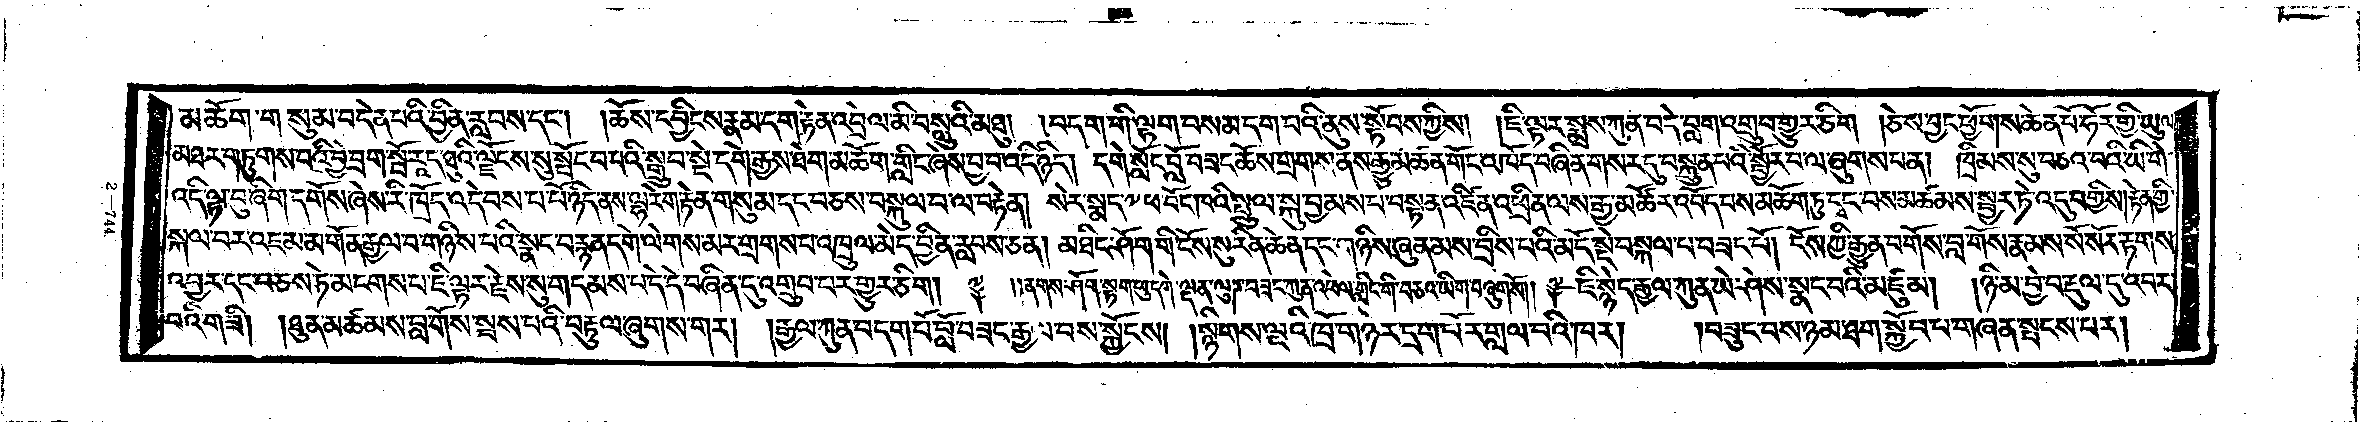མཆོག་གསུམ་བདེན་པའི་བྱིན་རླབས་དང་། །ཆོས་དབྱིངས་རྣམ་དག་རྟེན་འབྲེལ་མི་བསླུའི་མཐུ། །བདག་གི་ལྷག་བསམ་དག་པའི་ནུས་སྟོབས་ཀྱིས། །ཇི་ལྟར་སྨྲས་ཀུན་བདེ་བླག་འགྲུབ་གྱུར་ཅིག །ཅེས་བྱང་ཕྱོགས་ཆེན་པོ་ཧོར་གྱི་ཡུལ་
མཐར་གཏུགས་པའི་བྱེ་བྲག་སྦོ་རཱད་ཐུའི་ལྗོངས་སུ་སྤོང་བ་པའི་སྒྲུབ་སྡེ་དགེ་རྒྱས་ཐེག་མཆོག་གླིང་ཞེས་བྱ་བ་འདི་ཉིད། དགེ་སློང་བློ་བཟང་ཆོས་གྲགས་ནས་རྒྱུ་མཚན་གོང་འཁོད་བཞིན་གསར་དུ་བསྐྲུན་པའི་སྦྱོར་བ་ལ་ཞུགས་པ་ན། ཁྲིམས་སུ་བཅའ་བའི་ཡི་གེ་
འདི་ལྟ་བུ་ཞིག་དགོས་ཞེས་རི་ཁྲོད་འདེབས་པ་པོ་ཉིད་ནས་ལྷ་རེག་རྟེན་གསུམ་དང་བཅས་བསྐུལ་བ་ལ་བརྟེན། སེར་སྨད ༧་ཕ་བོང་ཁའི་སྤྲུལ་སྐུ་བྱམས་པ་བསྟན་འཛིན་འཕྲིན་ལས་རྒྱ་མཚོར་འབོད་པས་མཆོག་ཏུ་དྭང་བས་མཚམས་སྦྱར་ཏེ་འདུ་བགྱིས། རྟེན་གྱི་
སྐལ་བར་འཇམ་མགོན་རྒྱལ་བ་གཉིས་པའི་སྣང་བརྙན་དགེ་ལེགས་མར་གྲགས་པ་འཁྲུལ་མེད་བྱིན་རླབས་ཅན། །མཐོང་ཤོག་གི་ངོས་སུ་རིན་ཆེན་དང་གཉིས་ཞུན་མས་བྲིས་པའི་མདོ་སྡེ་བསྐལ་བཟང་པོ། ངོས་ཀྱི་རྒྱུན་བགོས་བླ་གོས་རྣམས་སོ་སོར་རྟགས་
འབྱར་དང་བཅས་ཏེ་མངགས་པ་ཇི་ལྟར་རྗེས་སུ་གདམས་པ་དེ་དེ་བཞིན་དུ་འགྲུབ་པར་འགྱུར་ཅིག ། ༈ །།ནགས་ཤོག་སྟག་ཕུ་དགེ་ལྡན་ལུཌ་བཟང་ཀུན་འཕེལ་གླིང་གི་བཅའ་ཡིག་བཞུགསོ།།  ༈ ཇི་སྙེད་རྒྱལ་ཀུན་ཡེ་ཤེས་སྣང་བའི་མཛུམ། །ཉི་མ་བྱེ་བ་རྡུལ་དུ་འབར་
བའི་གཟི། །ཐུན་མཚམས་བླ་གོས་སྦས་པའི་བརྟུལ་ཞུགས་གར། །རྒྱལ་ཀུན་བདག་པོ་བློ་བཟང་རྒྱལ་བས་སྐྱོངས། །སྙིགས་ལྔའི་ཁྲོ་གཉེར་དྲག་པོར་གླལ་པའི་ཁར། །བཟུང་བས་ཉམ་ཐག་སྐྱོབ་པ་གཞན་སྤངས་བར།